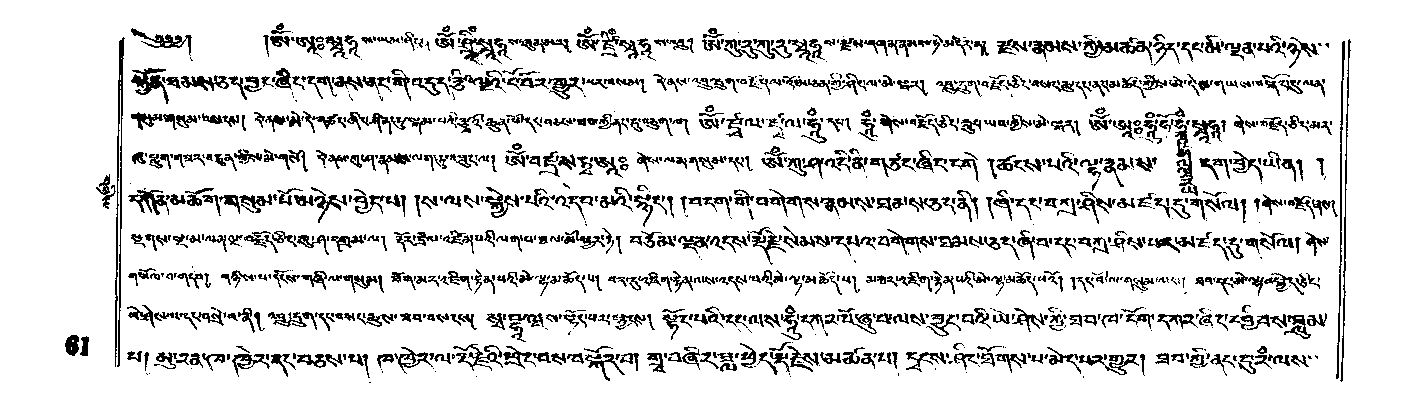༄༅༅། །ཨོཾ་ཨཱཿ སྭཱཧཱ་ས་ཡམ་ཤིང་།  ཨོཾ་ཤྲཱིཾ་སྭཱཧཱ་ས་ཞུན་མར།  ཨོཾ་ཛྲིཾ་སྭཱཧཱ་ས་འབྲུ།  ཨོཾ་ཀུ་རུ་ཀུ་རུ་སྭཱཧཱ་ས་རྫས་གཞན་རྣམས་ཏེ་མདོར་ན།  རྫས་རྣམས་ཀྱི་མཚན་ཉིད་དང་མི་ལྡན་པའི་ཉེས་
སྐྱོན་ཐམས་ཅད་བྱང་ཞིང་དག་ནས་ནང་གི་བདུད་རྩི་ལྔའི་ངོ་བོར་གྱུར། པར་བསམ། དེ་ནས་འབྲུ་དྲུག་བརྗོད་ལ་འོ་མ་ཅན་གྱི་ཤིང་ལ་མེ་སྦར། འབྲུ་དྲུག་བརྗོད་ཅིང་བསང་ཆུ་དང་ནང་མཆོད་ཀྱིས་མེ་དེ་ལ?་གཡས་བསྐོར་དུ་ལན་
གསུམ་གསུམ་བསངས། དེ་ནས་མེ་དེ་གཙང་ཞིང་ཤིན་ཏུ་སྒམ་པའི་རྩྭའི་ཆུན་པོ་དང་བཅས་ཐབ་ཀྱི་ནང་དུ་བཅུག་ལ། ཨོཾ་ཛྭ་ལ་ཛྭ་ལ་ཧཱུཾ་དང་།  ཧཱུཾ་ཞེས་བརྗོད་ཅིང་རླུང་ཡབ་ཀྱིས་མེ་སྦར།  ཨོཾ་ཨཱཿ ཧཱུཾ་ཧོ་ཧྐྵྨླྭྲྱཾ་སྭཱཧཱ། ཞེས་བརྗོད་ཅིང་མར་
ཞུ་བླུག་གཟར་བདུན་གྱིས་མེ་གསོ། དེ་ནས་ཀུ་ཤ་རྣམས་ལག་ཏུ་བཟུང་ལ། ཨོཾ་བཛྲ་སཏྭ་ཨཱཿ ཞེས་ལན་གསུམ་དང་།  ཨོཾ་ཀུ་ཤ་འདི་ནི་གཙང་ཞིང་དགེ །ཚངས་པའི་ལྷ་རྣམས་དག་བྱེད་ཡིན། །
དཀོན་མཆོག་གསུམ་པོ་མཉེས་བྱེད་པ། །ས་ལས་སྐྱེས་པའི་འདེབ་མའི་སྙིང་། །བདག་གི་བགེགས་རྣམས་ཐམས་ཅད་ནི། །ཞི་དང་བཀྲ་ཤིས་མཛད་དུ་གསོལ། །ཞེས་བརྗོད་ནས༑
སྔགས་སྔ་མ་ལན་སྔ་བརྗོད་ཅིང་ཀུ་ཤ་དགྲམ་ལ། རྡོར་དྲིལ་འཛིན་པའི་ལག་པ་ཐལ་མོ་སྦྱར་ཏེ། བཅོམ་ལྡན་འདས་རྡོ་རྗེ་སེམས་དཔའ་བགེགས་ཐམས་ཅད་ཞི་བ་དང་བཀྲ་ཤིས་པར་མཛད་དུ་གསོལ། ཞེས་
གསོལ་བ་གདབ། གཉིས་པ་དངོས་གཞི་ལ་གསུམ། ཐོག་མར་འཇིག་རྟེན་པའི་མེ་ལྷ་མཆོད་པ། བར་དུ་འཇིག་རྟེན་ལས་འདས་པའི་མེ་ལྷ་མཆོད་པ། མཐར་འཇིག་རྟེན་པའི་མེ་ལྷ་མཆོད་པའོ། །དང་བོ་ལ་གསུམ་ལས། ཐབ་དང་མེ་ལྷ་བསྐྱེད་ཅིང་
ཡེ་ཤེས་པ་དང་བསྲེ་བ་ནི། འབྲུ་དྲུག་དང་བསང་ཆུས་ཐབ་བསངས། སྭ་བྷཱ་ཝས་སྟོང་པར་སྦྱངས།  སྟོང་པའི་ངང་ལས་ཧཱུཾ་དཀར་པོ་ཞུ་བ་ལས་བྱུང་བའི་ཡེ་ཤེས་ཀྱི་ཐབ་ཁ་དོག་དཀར་ཞིང་དབྱིབས་ཐླུམ?
པ། མུ་རན་ཁ་ཁྱེར་དང་བཅས་པ། ཁ་ཁྱེར་ལ་རྡོ་རྗེའི་ཕྲེང་བས་བསྐོར་བ། གྲྭ་བཞིར་ཟླ་ཕྱེད་རྡོ་རྗེས་མཚན་པ། དྭངས་ཤིང་ཐོགས་པ་མེད་པར་གྱུར། ཐབ་ཀྱི་ནང་དུ་རཾ་ལས་